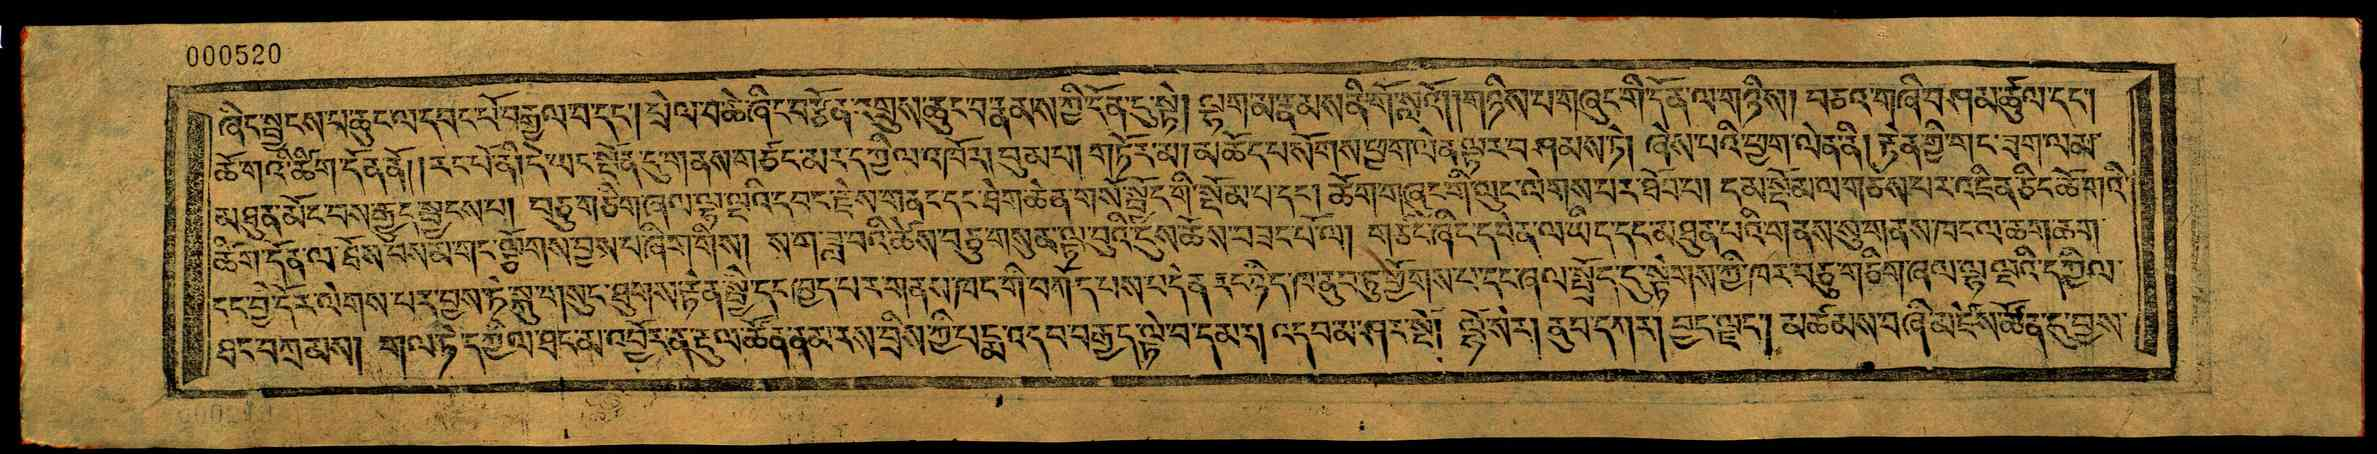ཞིང་སྦྱངས་པ་ཆུང་ལ་དབང་པོ་བརྟུལ་བ་དང་། བྲེལ་བ་ཆེ་ཞིང་བརྩོན་འགྲུས་ཆུང་བ་རྣམས་ཀྱི་དོན་དུ་སྟེ། ལྷག་མ་རྣམས་ནི་གོ་སླའོ། །གཉིས་པ་གཞུང་གི་དོན་ལ་གཉིས། བཅའ་གཞི་བཤམ་ཚུལ་དང་།
ཆོ་གའི་ཚིག་དོན་ནོ། །དང་པོ་ནི། དེ་ཡང་སྔོན་དུ་གནས་གཙང་མར་དཀྱིལ་འཁོར། བུམ་པ། གཏོར་མ། མཆོད་པ་སོགས་ཕྱག་ལེན་ལྟར་བཤམས་ཏེ། ཞེས་པའི་ཕྱག་ལེན་ནི། རྟེན་གྱི་གང་ཟག་ལམ།
མཐུན་མོང་བས་རྒྱུད་སྦྱངས་པ། བཅུ་གཅིག་ཞལ་ལྷ་ལྔའི་དབང་རྗེས་གནང་དང་ཐེག་ཆེན་གསོ་སྦྱོང་གི་སྡོམ་པ་དང་། ཆོ་ག་གཞུང་གི་ལུང་ལེགས་པར་ཐོབ་པ། དམ་སྡོམ་ལ་གཅེས་པར་འཛིན་ཅིང་ཆོ་གའི་
ཚིག་དོན་ལ་ཐོས་བསམ་གང་ལྕོགས་བྱས་པ་ཞིག་གིས། ས་ག་ཟླ་བའི་ཚེ་བཅུ་གསུམ་ལྟ་བུའི་དུས་ཚེས་བཟང་པོ་ལ། གཙང་ཞིང་དབེན་ལ་ཡིད་དང་མཐུན་པའི་གནས་སུ་གནས་ཁང་ལ་ཆག་ཆག་
དང་བྱི་དོར་ལེགས་པར་བྱས་ཏེ་སྐུ་གསུང་ཐུགས་རྟེན་སྤྱི་དང་ཁྱད་པར་གནས་ཁང་གི་བཀོད་པས་བདེན་རང་ཉིད་ཁ་ནུབ་ཏུ་ཕྱོགས་པ་དང་ཞལ་སྤྲོད་དུ་སྟེགས་ཀྱི་ཁར་བཅུ་གཅིག་ཞལ་ལྷ་ལྔའི་དཀྱིལ་
ཐང་བཀྲམས། གལ་ཏེ་དཀྱིལ་ཐང་མ་འབྱོར་ན་རྡུལ་ཚོན་ནམ་རས་བྲིས་ཀྱི་པདམ་འདབ་བརྒྱད་ལྟེ་བ་དམར། འདབ་མ་ཤར་སྔོ། ལྷོ་སེར། ནུབ་དཀར། བྱང་ལྗང་། མཚམས་བཞི་མཛེས་ཚོན་དུ་བྱས་